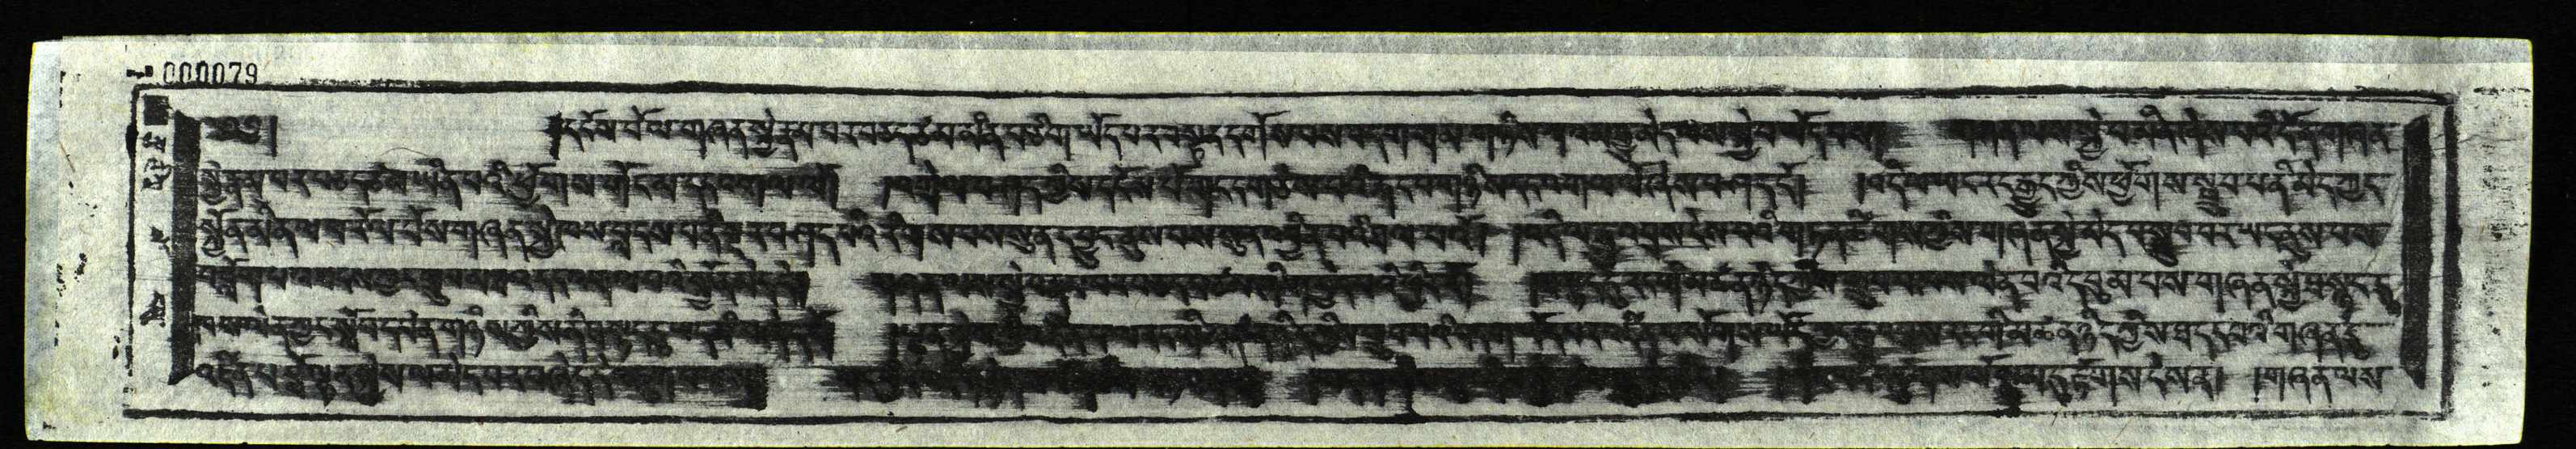༄༅། །དངོས་པོ་ལ་གཞན་སྐྱེ་རྣམ་པར་བཅད་ཙམ་མིན་པ་ཅིག་ཡོད་པར་བསྟན་དགོས་པས་བདག་གམ་གཉིས་ཀ་ལས་རྒྱུ་མེད་པས་སྐྱེ་བ་ཡོད་པས། གཞན་ལས་སྐྱེ་བ་མིན་ཞེས་པའི་དོན་གཞན་
སྐྱེ་རྣམ་པར་བཅད་ཙམ་ཡིན་པའི་ཕྱོགས་གོངས་དང་འགལ་ལོ། །འགྲེལ་བཤད་ཀྱིས་དངོས་པོ་གང་དག་ཅེས་པའི་རྐང་པ་གཉིས་དང་འགལ་ལོ་ཞེས་བཤད་དོ། །འདི་ལ་ཡང་རང་རྒྱུད་ཀྱིས་ཕྱོགས་སྒྲུབ་པ་ནི་མེད་ཀྱང་
སྐྱོན་མིན་ལ་ཕ་རོལ་བོས་གཞན་སྐྱེ་ཁས་བླངས་པ་ནི་སྔར་བཤད་པའི་རིགས་པས་སུན་དབྱུང་ནུས་པས་སུན་འབྱིན་པའི་ཐལ་བའོ། །འདི་ལ་རྒྱུ་འབྲས་ངེས་པའི་གཏན་ཚིགས་ཀྱིས་གཞན་སྐྱེ་མེད་བསྒྲུབ་པར་ཡང་ནུས་པས་
བཟློག་པ་འཕངས་ཀྱང་གྲུབ་མཐའ་དང་འགལ་བའི་སྐྱོན་མེད་དེ། གཞན་ལས་སྐྱེ་བ་རྣམ་པར་བཅད་པ་ཙམ་ཞིག་བྱེད་པའི་ཕྱིར་རོ། །ཐ་སྙད་དུ་རང་གི་མཚན་ཉིད་ཀྱིས་གྲུབ་པ་ཁས་ལེན་པའི་དབུ་མ་པས་གཞན་སྐྱེ་ཐ་སྙད་དུ་
ཁས་ལེན་ཀྱང་སློབ་དཔོན་གཉིས་ཀྱིས་ནི་ཐ་སྙད་དུ་ཡང་མི་བཞེད་དོ། །ལྷན་སྐྱེས་ཀྱི་འཛིན་པ་ལ་རང་གི་མཚན་གྱིས་གྲུབ་པའི་བདག་ཡོད་པར་འཛིན་པ་སོགས་ཡོད་ཀྱང་རྒྱུ་འབྲས་རང་གི་མཚན་ཉིད་ཀྱིས་ཐ་དད་པའི་གཞན་དུ་
འཛིན་པ་བློ་ལྷན་སྐྱེས་པ་མེད་པར་བཞེད་དེ། འཇུག་པ་ལས། གང་ཕྱིར་འཇིག་རྟེན་ས་བོན་ཙམ་བཏབ་ནས། །བདག་གིས་བུ་འདི་བསྐྱེད་ཅེས་སྐྨྲ་བྱེད་ཅིང་། །ཤིང་ཡང་བཙུགས་སོ་སྙམ་དུ་རྟོགས་དེས་ན། །གཞན་ལས་